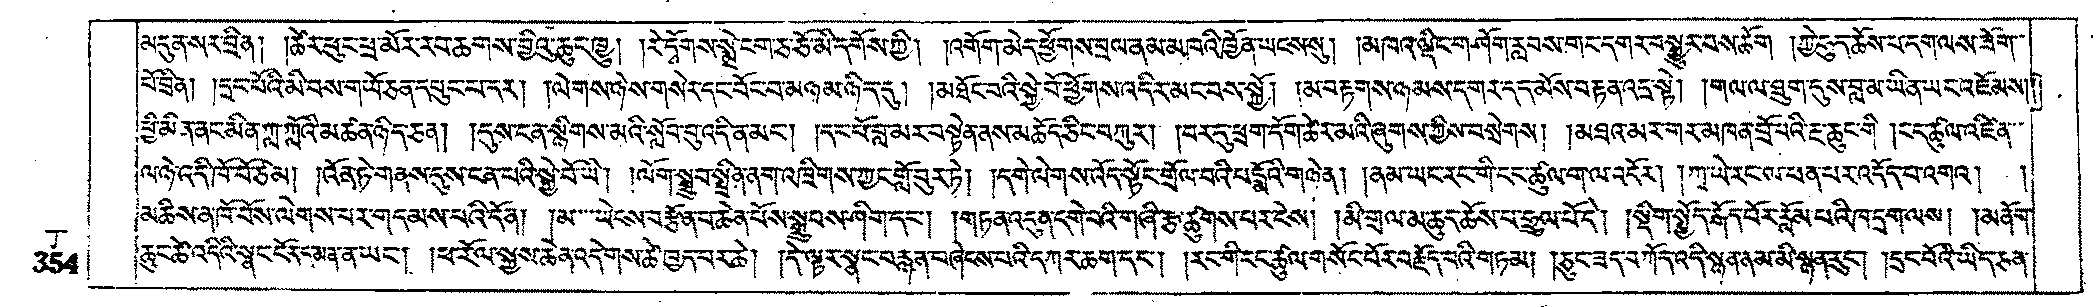མདུན་སར་བྲིན། །ཚེར་ཕུང་ཕྲ་མོར་རབ་ཆགས་བྱིའུ་ཆུང་ཁྱུ། །རེ་དྭོགས་སྨྲེ་ངག་ཅ་ཅོ་མི་དགོས་ཀྱི། །འགོག་མེད་ཕྱོགས་བྲལ་ནམ་མཁའི་ཁྱོན་ཡངས་སུ། །མཁའ་ལྡིང་གཤོག་རླབས་གང་དགར་བསྒྱུར་བས་ཆོག །ཀྱེ་ཧུད་ཆོས་པ་དག་ལས་ཟོག་་་
པོ་བྲིན། །དྲང་པོའི་མི་བས་གཡོ་ཅན་དཔུང་པ་དར། །ལེགས་ཉེས་གསེར་དང་བོང་བ་མཉམ་ཉིད་དུ། །མཐོང་བའི་སྐྱེ་བོ་ཕྱོགས་འདིར་མང་བས་སྐྱོ། །མ་བརྟགས་ཉམས་དགར་དད་མོས་བརྟན་འདྲ་སྟེ། །གལ་ལ་ཐུག་དུས་བླ་མ་ཡིན་ཡང་འཇོམས།།
ཕྱི་མིན་ནང་མིན་ཀླ་ཀློའི་མཚན་ཉིད་ཅན། །དུས་ངན་སྙིགས་མའི་སློབ་བུ་འདི་ན་མང་། །དང་པོ་བླ་མར་བསྟེན་ནས་མཆོད་ཅིང་བཀུར། །བར་དུ་ཕྲག་དོག་ཚེར་མའི་ཞུགས་ཀྱིས་བསྲེགས། །མཐའ་མར་གར་མཁན་བྲོ་པའི་རྔ་ཆུང་གི །ངང་ཚུལ་འཛིན་་་
ལ་ཉེ་འདི་ཁོ་བོ་ཙམ། །འོན་ཏེ་གནས་དུས་ངན་པའི་སྐྱེ་བོ་ཡི། །ལོག་སྒྲུབ་སྤྲིན་ནག་འཁྲིགས་ཀྱང་གློ་བུར་ཏེ། །དགེ་ལེགས་འོད་སྟོང་གྲོལ་བའི་པདམོའི་གཉེན། །ནམ་ཡང་རང་གི་ངང་ཚུལ་ག་ལ་འདོར། །ཀྭ་ཡེ་རང་ལ་ཕན་པར་འདོད་པ་འགའ། །
མཆིས་ན་ཁོ་བོས་ལེགས་པར་གདམས་པའི་དོན། །མ་་་ཡེངས་བརྩོན་པ་ཆེན་པོས་སྒྲུབས་ཤིག་དང་། །གཏན་འདུན་དགེ་བའི་གཞི་རྩ་ཚུགས་པར་ངེས། །མི་གྲལ་མ་ཆུང་ཆོས་པ་ཧྲུལ་པོ་དེ། །སྡིག་སྤྱོད་རྒོད་པོར་རློམ་པའི་ཁ་དྲག་ལས། །མནོག་
ཆུང་ཚེ་འདིའི་སྣང་ངོར་དམན་ན་ཡང་། །ཕ་རོལ་སྐྱས་ཆེན་འདེགས་ཚེ་ཁྱད་པར་ཆེ། །དེ་ལྟར་སྣང་བརྙན་བཞེངས་པའི་དཀར་ཆག་དང་། །རང་གི་ངང་ཚུལ་གསོང་པོར་བརྗོད་པའི་གཏམ། །ཅུང་ཟད་བཀོད་འདི་སྙན་ནམ་མི་སྙན་རུང་། །དྲང་པོའི་ཡིད་ཅན་